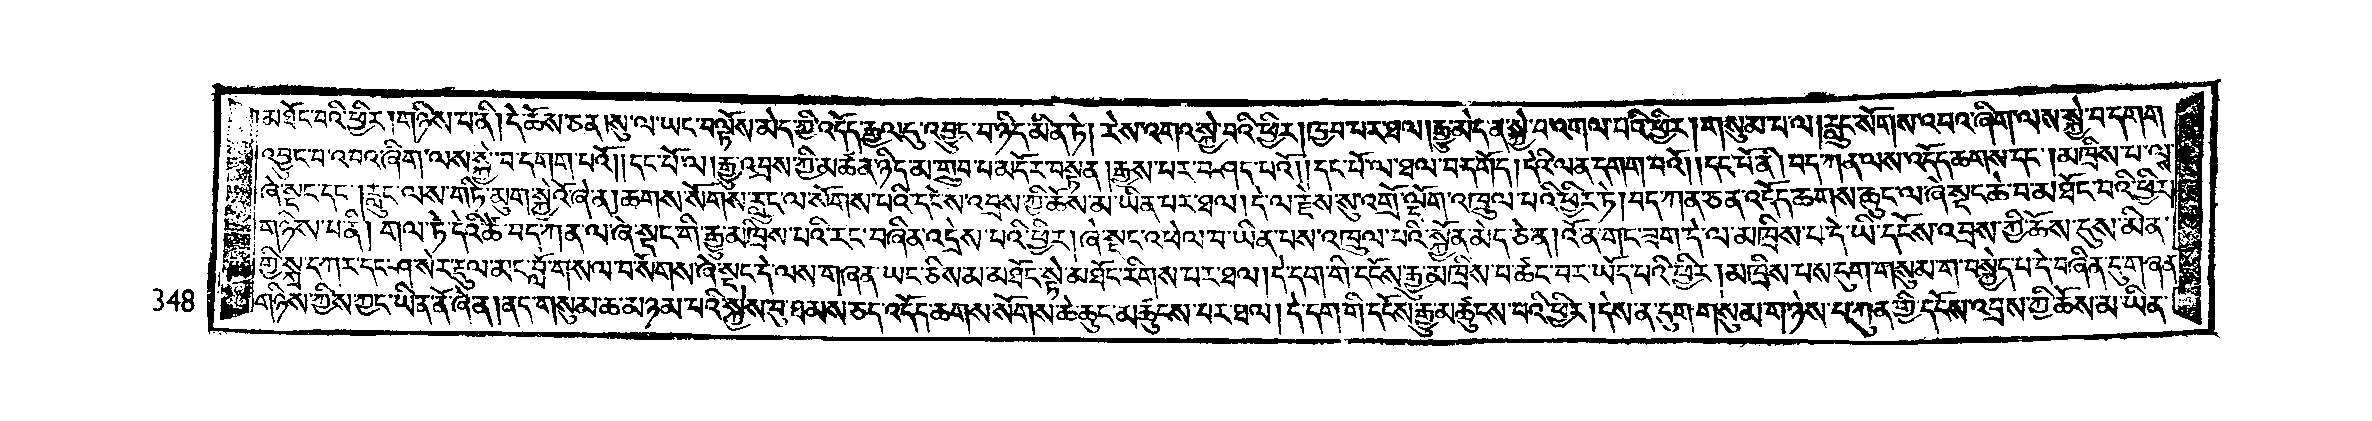མཐོང་བའི་ཕྱིར། གཉིས་པ་ནི། དེ་ཆོས་ཅན། སུ་ལ་ཡང་བལྟོས་མེད་ཀྱི་འདོད་རྒྱལ་དུ་འབྱུང་བ་ཉིད་མིན་ཏེ། རེས་འགའ་སྐྱེ་བའི་ཕྱིར། ཁྱབ་པར་ཐལ། རྒྱུ་མེད་ན་སྐྱེ་བ་འགལ་བའི་ཕྱིར། གསུམ་པ་ལ། རླུང་སོགས་འབའ་ཞིག་ལས་སྐྱེ་བ་དགག་
འབྱུང་བ་འབའ་ཞིག་ལས་སྐྱེ་བ་དགག་པའོ། །དང་པོ་ལ། རྒྱུ་འབྲས་ཀྱི་མཚན་ཉིད་མ་གྲུབ་པ་མདོར་བསྟན། རྒྱས་པར་བཤད་པའོ། །དང་པོ་ལ་ཐལ་བ་དགོད། དེའི་ལན་དགག་པའོ། །དང་པོ་ནི། བད་ཀན་ལས་འདོད་ཆགས་དང་། མཁྲིས་པ་ལས་
ཞེ་སྡང་དང་། རླུང་ལས་གཏི་མུག་སྐྱེའོ་ཞེ་ན། ཆགས་སོགས་རླུང་ལ་སོགས་པའི་དངོས་འབྲས་ཀྱི་ཆོས་མ་ཡིན་པར་ཐལ། དེ་ལ་རྗེས་སུ་འགྲོ་ལྡོག་འཁྲུལ་པའི་ཕྱིར་ཏེ། བད་ཀན་ཅན་འདོད་ཆགས་ཆུང་ལ་ཞེ་སྡང་ཆེ་བ་མཐོང་བའི་ཕྱིར།
གཉིས་པ་ནི། གལ་ཏེ་དེའི་ཚེ་བད་ཀན་ལ་ཞེ་སྡང་གི་རྒྱུ་མཁྲིས་པའི་རང་བཞིན་འདྲེས་པའི་ཕྱིར། ཞེ་སྡང་འཕེལ་བ་ཡིན་པས་འཁྲུལ་པའི་སྐྱོན་མེད་ཅེ་ན། འོ་ན་གང་ཟག་དེ་ལ་མཁྲིས་པ་དེ་ཡི་དངོས་འབྲས་ཀྱི་ཆོས་དུས་མིན་
གྱི་སྐྲ་དཀར་དང་ཤ་སེར་རྡུལ་མང་བློ་གསལ་བ་སོགས་ཞེ་སྡང་དེ་ལས་གཞན་ཡང་ཅིས་མ་མཐོང་སྟེ་མཐོང་རིགས་པར་ཐལ། དེ་དག་གི་དངོས་རྒྱུ་མཁྲིས་པ་ཚང་བར་ཡོད་པའི་ཕྱིར། མཁྲིས་པས་དུག་གསུམ་ག་བསྐྱེད་པ་དེ་བཞིན་དུ་གཞན་
གཉིས་ཀྱིས་ཀྱང་ཡིན་ནོ་ཞེ་ན། ནད་གསུམ་ཆ་མཉམ་པའི་སྐྱེས་བུ་ཐམས་ཅད་འདོད་ཆགས་སོགས་ཆེ་ཆུང་མཚུངས་པར་ཐལ། དེ་དག་གི་དངོས་རྒྱུ་མཚུངས་པའི་ཕྱིར། དེས་ན་དུག་གསུམ་ག་ཉེས་པ་ཀུན་གྱི་དངོས་འབྲས་ཀྱི་ཆོས་མ་ཡིན་